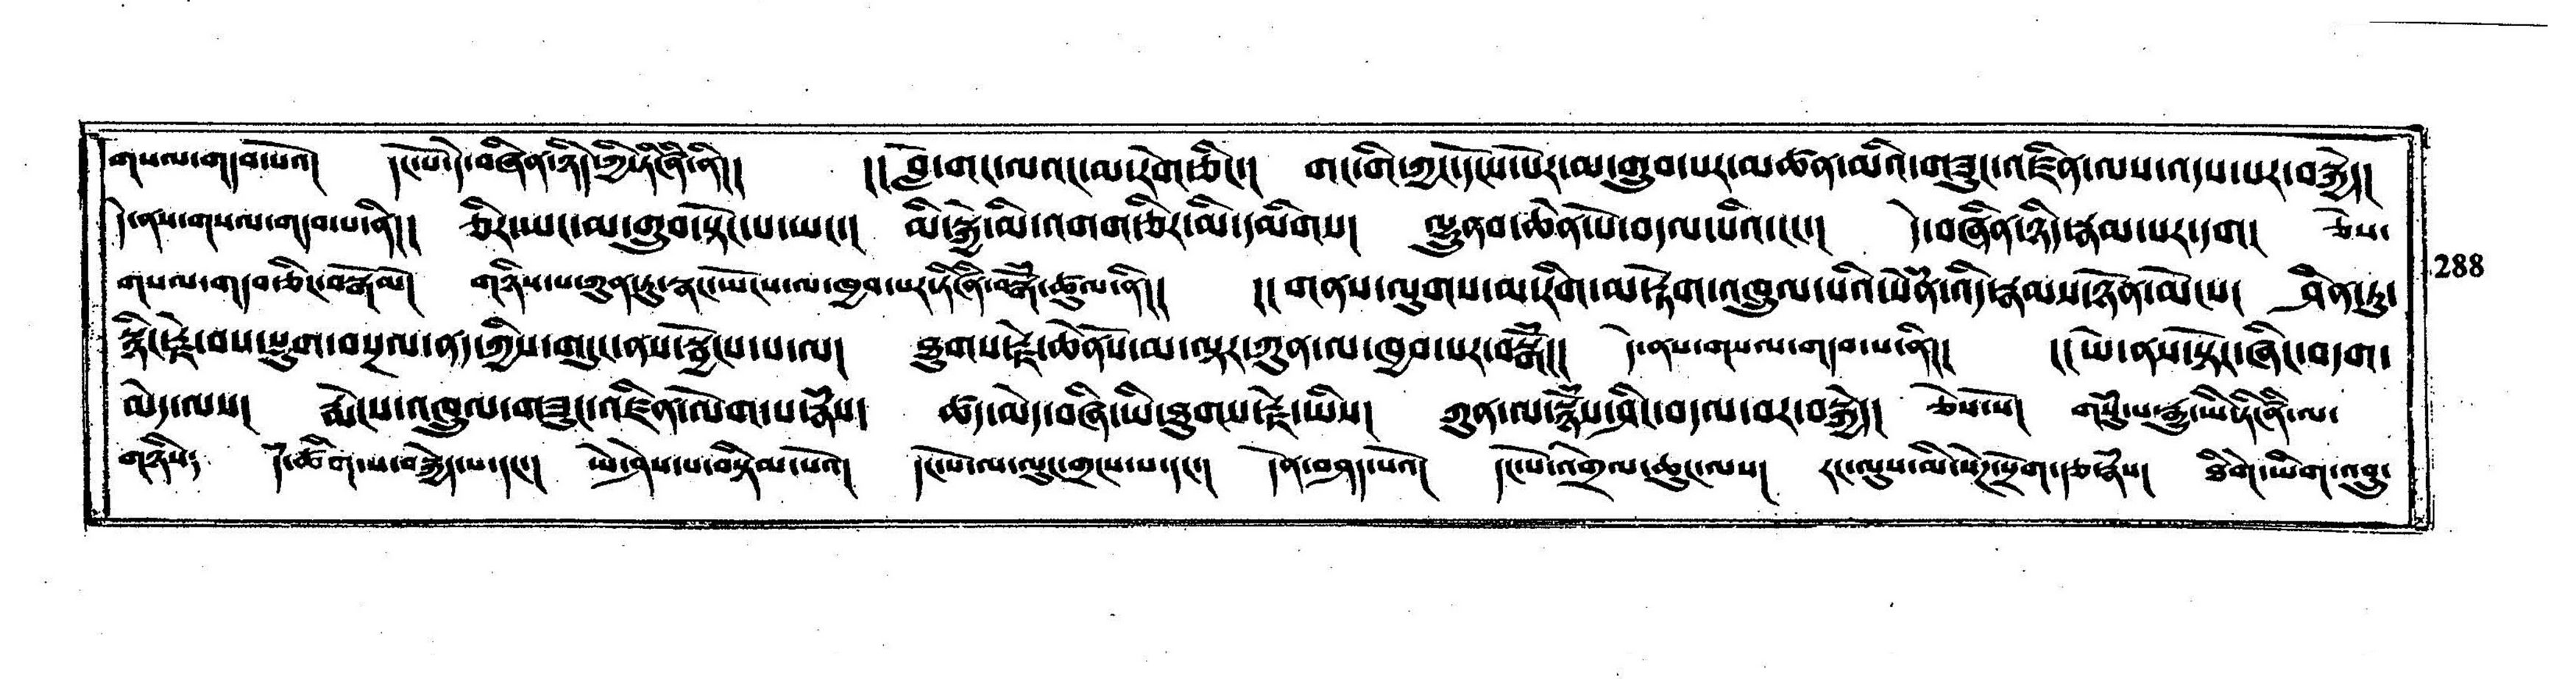གསལ་གདབ་པའོ། དང་པོ་དེ་བཞིན་ཉིད་ཀྱི་ཏིང་འཛིན་ནི།། །།བློ་གང་ལའང་མ་རེག་ཅིང་། གང་གི་ཀྱང་དངོས་པོར་མ་གྲུབ་པར་མཚན་མའི་གཟུང་འཛིན་ལས་འདས་པར་བསྐྱེད། 
དེ་ནས་གསལ་གདབ་པ་ནི།། ཅིར་ཡང་མ་གྲུབ་སྟོང་པ་ཡང་། མི་སྐྱེ་མི་འགག་ཅིར་མི་དམིགས། ལྷུན་གྲུབ་ཆེན་པོ་བདལ་པའི་ངང་། དེ་བཞིན་ཉིད་རྣམ་པར་དག ཅེས་
གསལ་གདབ་ཅིང་བསྒོམ་མོ། གཉིས་པ་ཀུན་ཏུ་སྣང་ཡོངས་ལ་ཁྱབ་པར་ཏིང་འཛིན་བསྒོམ་ཚུལ་ནི།། །།གནས་ལུགས་མ་རིག་མ་རྟོག་འཁྲུལ་པའི་སེམས་ཅན་འདི་རྣམས་ཉོན་མོངས། ཤིན་ཏུ་
སྙིང་རྗེ་བས་སྡུག་བསྔལ་ནད་ཀྱིས་གདུང་ནས་སྦྱོངས་པ་ལ། ཐུགས་རྗེ་ཆེན་པོས་མ་ལྟར་ཀུན་ལ་ཁྱབ་པར་བསྒོམ།། དེ་ནས་གསལ་གདབ་པ་ནི།། །།ཡེ་ནས་སྟོང་ཞིང་བདག་
མེད་ལས། རྨོངས་འཁྲུལ་གཟུང་འཛིན་ལོག་པ་རྣམས། ཚད་མེད་བཞི་ཡི་ཐུགས་རྗེ་ཡིས། ཀུན་ལ་སྙོམས་ཤིང་བདལ་བར་བསྐྱེད། ཅེས་སོ། གསུམ་པ་རྒྱུ་ཡི་ཏིང་འཛིན་ལ་
གཉིས། དམ་ཚིག་པ་བསྐྱེད་པ་དང་། ཡེ་ཤེས་པ་བསྟིམ་པའོ། དང་པོ་ལ་ལུང་གྲངས་པ་དང་། དོན་བཤད་པའོ། དང་པོ་འགྲེལ་ཆུང་ལས། རང་ལུས་ལི་སེགས་སྲོག་རྩ་རྣམས། ཐིག་ལེ་ཡིག་འབྲུ་